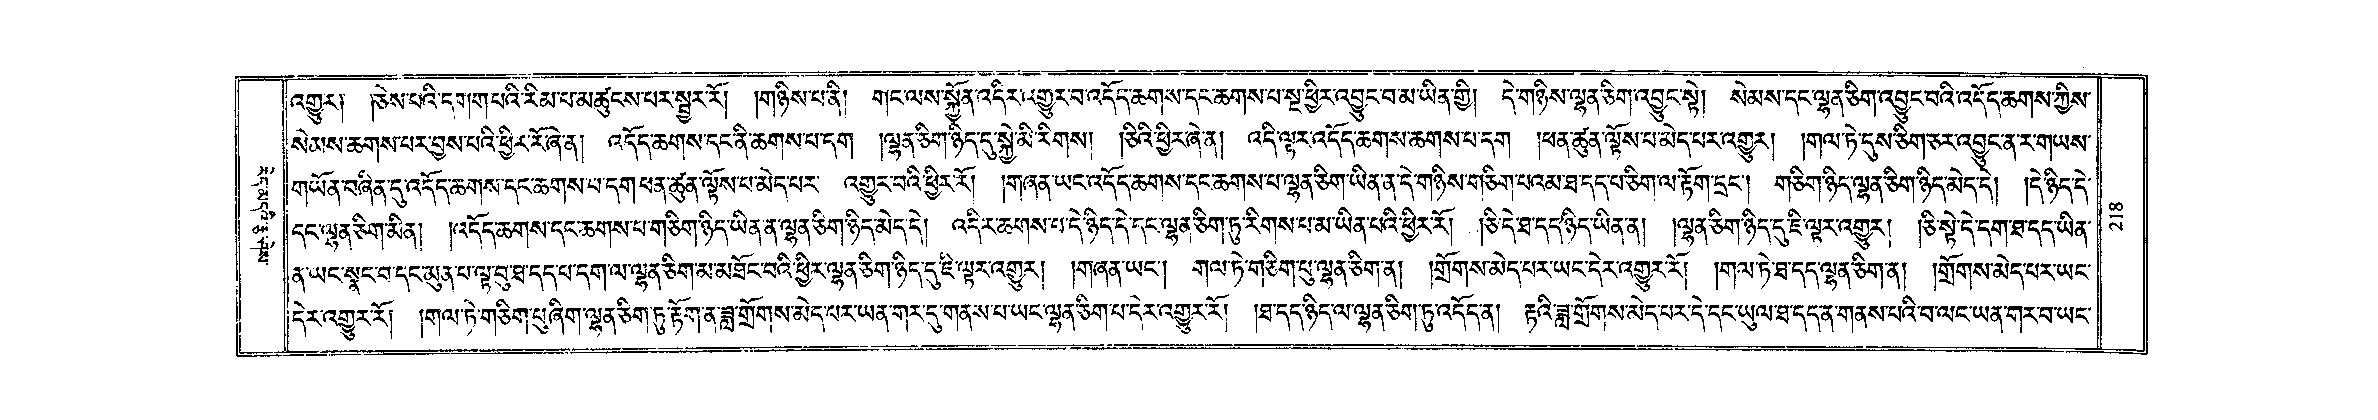འགྱུར། །ཅེས་པའི་དགག་པའི་རིམ་པ་མཚུངས་པར་སྦྱར་རོ། །གཉིས་པ་ནི། གང་ལས་སྐྱོན་འདིར་འགྱུར་བ་འདོད་ཆགས་དང་ཆགས་པ་སྔ་ཕྱིར་འབྱུང་བ་མ་ཡིན་གྱི། དེ་གཉིས་ལྷན་ཅིག་འབྱུང་སྟེ། སེམས་དང་ལྷན་ཅིག་འབྱུང་བའི་འདོད་ཆགས་ཀྱིས་
སེམས་ཆགས་པར་བྱས་པའི་ཕྱིར་རོ་ཞེ་ན། འདོད་ཆགས་དང་ནི་ཆགས་པ་དག །ལྷན་ཅིག་ཉིད་དུ་སྐྱེ་མི་རིགས། །ཅིའི་ཕྱིར་ཞེ་ན། འདི་ལྟར་འདོད་ཆགས་ཆགས་པ་དག །ཕན་ཚུན་ལྟོས་པ་མེད་པར་འགྱུར། །གལ་ཏེ་དུས་ཅིག་ཅར་འབྱུང་ན་ར་གཡས་
གཡོན་བཞིན་དུ་འདོད་ཆགས་དང་ཆགས་པ་དག་ཕན་ཚུན་ལྟོས་པ་མེད་པར་འགྱུར་བའི་ཕྱིར་རོ། །གཞན་ཡང་འདོད་ཆགས་དང་ཆགས་པ་ལྷན་ཅིག་ཡིན་ན་དེ་གཉིས་གཅིག་པའམ་ཐ་དད་པ་ཅིག་ལ་རྟོག་དྲང་། གཅིག་ཉིད་ལྷན་ཅིག་ཉིད་མེད་དེ། །དེ་ཉིད་དེ་
དང་ལྷན་ཅིག་མིན། །འདོད་ཆགས་དང་ཆགས་པ་གཅིག་ཉིད་ཡིན་ན་ལྷན་ཅིག་ཉིད་མེད་དེ། འདིར་ཆགས་པ་དེ་ཉིད་དེ་དང་ལྷན་ཅིག་ཏུ་རིགས་པ་མ་ཡིན་པའི་ཕྱིར་རོ། །ཅི་དེ་ཐ་དད་ཉིད་ཡིན་ན། །ལྷན་ཅིག་ཉིད་དུ་ཇི་ལྟར་འགྱུར། །ཅི་སྟེ་དེ་དག་ཐ་དད་ཡིན་
ན་ཡང་སྣང་བ་དང་མུན་པ་ལྟ་བུ་ཐ་དད་པ་དག་ལ་ལྷན་ཅིག་མ་མཐོང་བའི་ཕྱིར་ལྷན་ཅིག་ཉིད་དུ་ཇི་ལྟར་འགྱུར། །གཞན་ཡང་། གལ་ཏེ་གཅིག་པུ་ལྷན་ཅིག་ན། །གྲོགས་མེད་པར་ཡང་དེར་འགྱུར་རོ། །གལ་ཏེ་ཐ་དད་ལྷན་ཅིག་ན། །གྲོགས་མེད་པར་ཡང་
དེར་འགྱུར་རོ། །གལ་ཏེ་གཅིག་པུ་ཞིག་ལྷན་ཅིག་ཏུ་རྟོག་ན་ཟླ་གྲོགས་མེད་པར་ཡན་གར་དུ་གནས་པ་ཡང་ལྷན་ཅིག་པ་དེར་འགྱུར་རོ། །ཐ་དད་ཉིད་ལ་ལྷན་ཅིག་ཏུ་འདོད་ན། རྟའི་ཟླ་གྲོགས་མེད་པར་དེ་དང་ཡུལ་ཐ་དད་ན་གནས་པའི་བ་ལང་ཡན་གར་བ་ཡང་